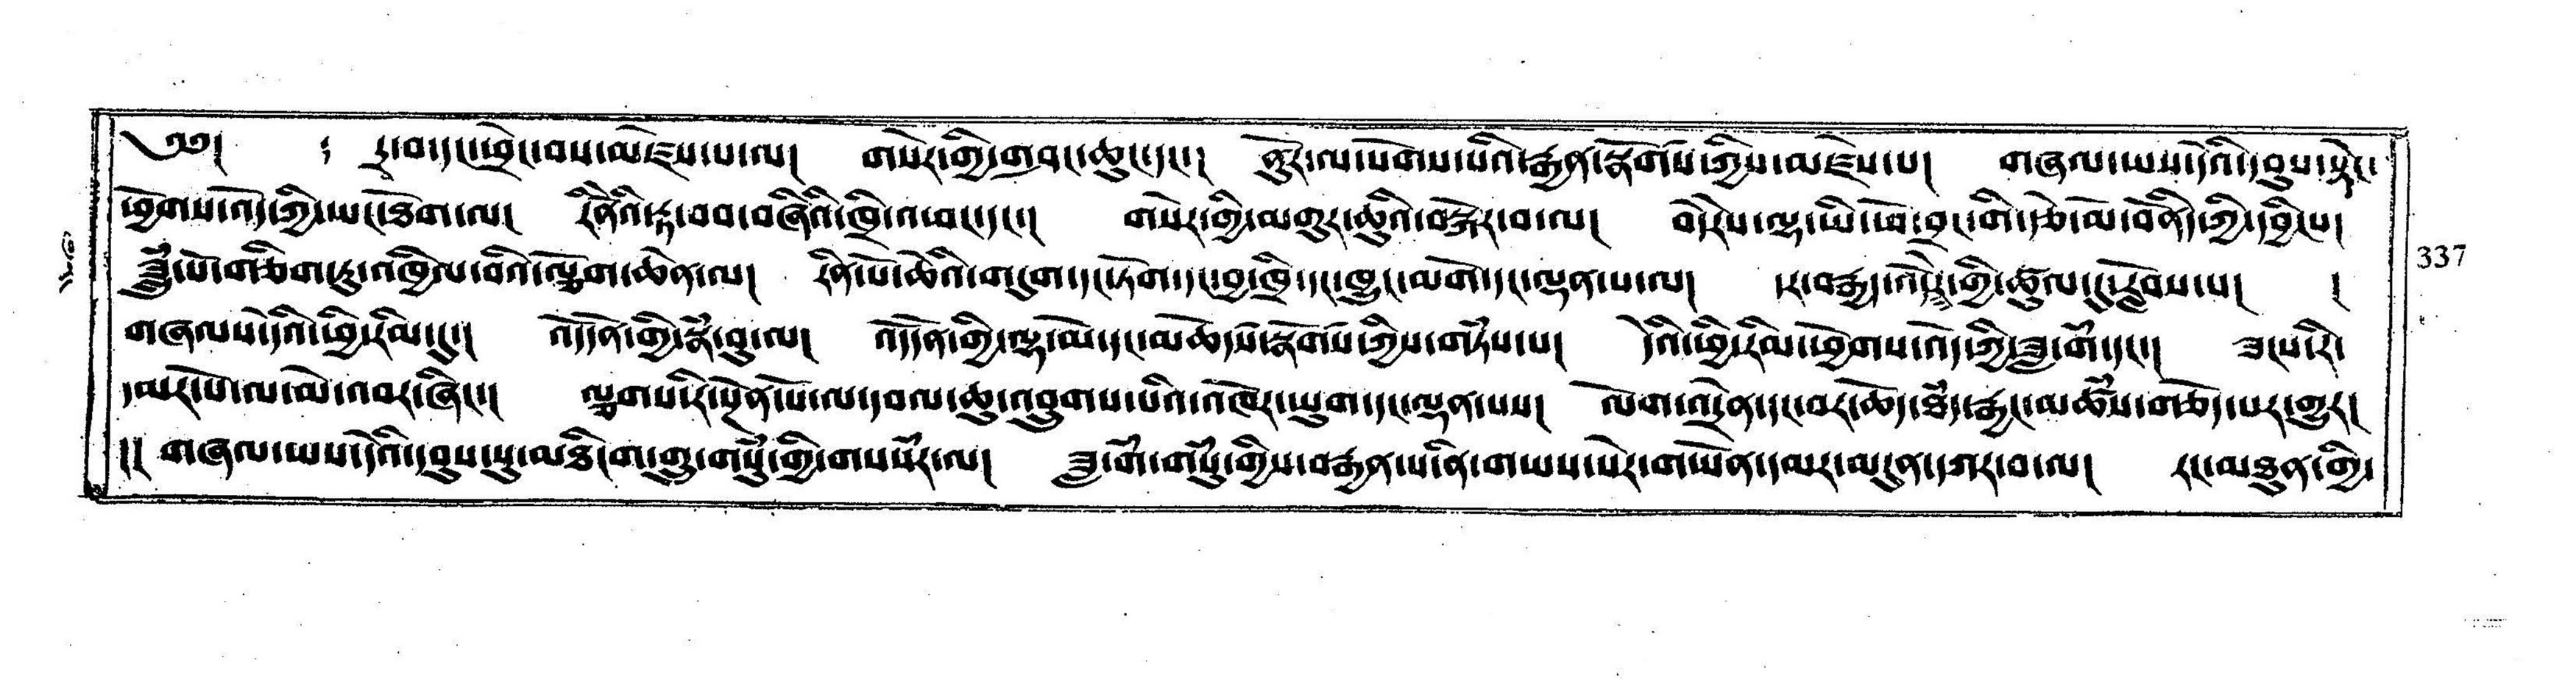དྲྭ་བ་དང་ཕྲེང་བས་མཛེས་པ་ལ། གསེར་གྱི་གཤང་ཆུང་དང་། ནོར་བུ་ལ་སོགས་པའི་རྒྱན་སྣ་ཚོགས་ཀྱིས་མཛེས་པ། གཞལ་ཡས་དེའི་དབུས་སྟེང་
ཕྱོགས་འོད་ཀྱི་ཡང་ཐོག་ལ། རིན་པོ་ཆེའི་རྟ་བབ་བཞིའི་ཁྲི་འཕང་དང་། གསེར་གྱི་མགུར་ཆུའི་བསྐོར་བ་ལ། བདེར་གཤེགས་ལྷ་ཡི་ཕོ་བྲང་གི་རྩེ་མོ་བོན་ཉིད་ཀྱི་དབྱིངས། 
ཟླུམ་པོ་གཅིག་ཏུ་འཁྱིལ་བའི་ལྕོག་ཆེན་ལ། རིན་པོ་ཆེའི་གདུག་དང་ཏོག་དང་བྱ་ཁྲི་དང་ཁྱུང་མགོ་དང་ལྡན་པ་ལ། དར་བརྒྱད་འོད་ཟེར་གྱི་ཚུལ་དུ་རློབས་པ། 
གཞལ་ཡས་དེའི་ཕྱི་རིམ་དུ། འདོད་ཡོན་གྱི་སྣམ་བུ་ལ། འདོད་ཡོན་གྱི་ལྷ་མོ་དང་མཆོད་རྫས་སྣ་ཚོགས་ཀྱིས་གཏམས་པ། དེའི་ཕྱི་རིམ་ཕྱོགས་འོད་ཀྱི་ཟླ་གམ་དང་། ཟངས་རི་
དམར་པོ་ལ་མེ་འབར་ཞིང་། ལྕགས་རི་སྔོན་པོ་ལ་དབལ་ཆུ་འབྲུགས་པའི་འཁོར་ཡུག་དང་ལྡན་པས། ལོག་འདྲེན་དང་བར་ཆོད་ཐམས་ཅད་རྒྱང་མཚམས་གཅོད་པར་གྱུར། 
གཞལ་ཡས་དེའི་དབུས་སུ་མཐིང་ནག་གྲུ་གསུམ་གྱི་གསས་མཁར་ལ། ཟླ་གམ་གསུམ་གྱིས་བརྒྱན་པ་ནི་གཡས་སེར་གཡོན་དམར་མདུན་དཀར་བ་ལ། རང་མཐུན་གྱི་